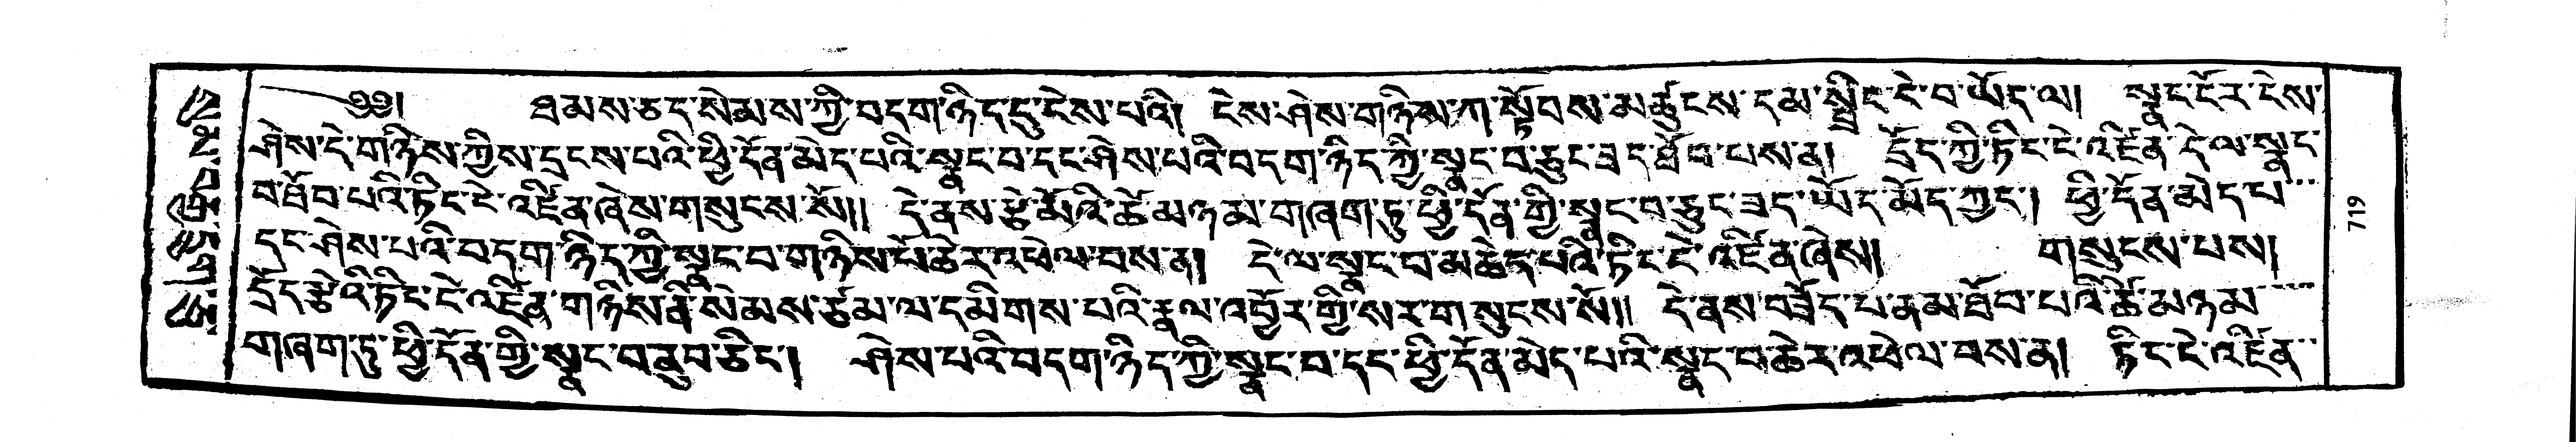༄༅། །ཐམས་ཅད་སེམས་ཀྱི་བདག་ཉིད་དུ་ངེས་པའི། ངེས་ཤེས་གཉིས་ཀ་སྟོབས་མཚུངས་དམ་སྦྲིང་ངེ་བ་ཡོད་ལ། སྣང་ངོར་ངེས་
ཤེས་དེ་གཉིས་ཀྱིས་དྲངས་པའི་ཕྱི་དོན་མེད་པའི་སྣང་བ་དང་ཤེས་པའི་བདག་ཉིད་ཀྱི་སྣང་བ་ཅུང་ཟད་ཐོབ་པས་ན། དྲོད་ཀྱི་ཏིང་ངེ་འཛིན་དེ་ལ་སྣང་
བ་ཐོབ་པའི་ཏིང་ངེ་འཛིན་ཞེས་གསུངས་སོ། །དེ་ནས་རྩེ་མོའི་ཚེ་མཉམ་གཞག་ཏུ་ཕྱི་དོན་གྱི་སྣང་བ་ཅུང་ཟད་ཡོད་མོད་ཀྱང་། ཕྱི་དོན་མེད་པ་
དང་ཤེས་པའི་བདག་ཉིད་ཀྱི་སྣང་བ་གཉིས་པོ་ཆེར་འཕེལ་བས་ན། དེ་ལ་སྣང་བ་མཆེད་པའི་ཏིང་ངེ་འཛིན་ཞེས། གསུངས་པས།
དྲོད་རྩེའི་ཏིང་ངེ་འཛིན་གཉིས་ནི་སེམས་ཙམ་ལ་དམིགས་པའི་རྣལ་འབྱོར་གྱི་སར་གསུངས་སོ། །དེ་ནས་བཟོད་པ་ནམ་ཐོབ་པའི་ཚེ་མཉམ་
གཞག་ཏུ་ཕྱི་དོན་གྱི་སྣང་བ་ནུབ་ཅིང་། ཤེས་པའི་བདག་ཉིད་ཀྱི་སྣང་བ་དང་ཕྱི་དོན་མེད་པའི་སྣང་བ་ཆེར་འཕེལ་བས་ན། ཏིང་ངེ་འཛིན་